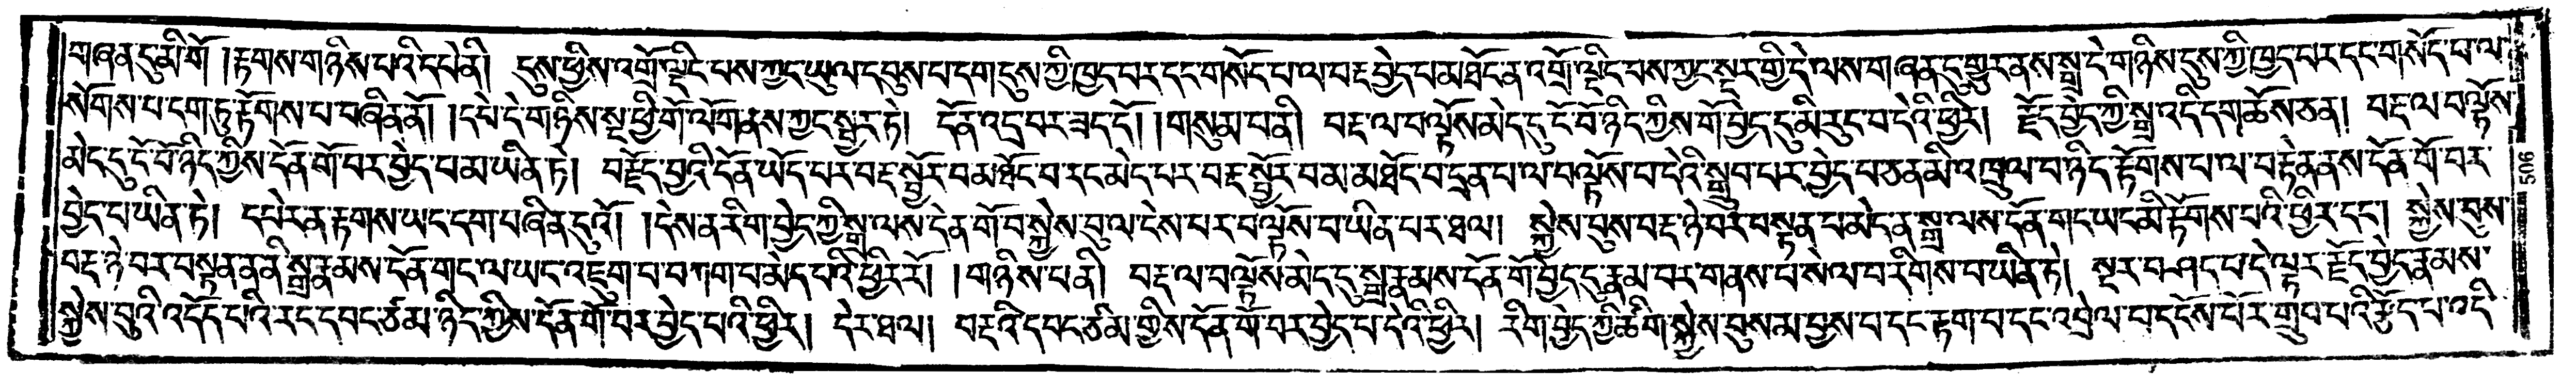གཞན་དུ་མི་གོ །རྟགས་གཉིས་པའི་དཔེ་ནི། དུས་ཕྱིས་འགྲོ་ལྡིང་པས་ཀྱང་ཡུལ་དབུས་པ་དག་དུས་ཀྱི་ཁྱད་པར་དང་གསོང་པ་ལ་བརྡ་བྱེད་པ་མཐོང་ན་འགྲོ་ལྡིང་བས་ཀྱང་སྔར་གྱི་དེ་ལས་གཞན་དུ་གྱུར་ནས་སྒྲ་དེ་གཉིས་དུས་ཀྱི་ཁྱད་པར་དང་གསོད་པ་ལ་
སོགས་པ་དག་ཏུ་རྟོགས་པ་བཞིན་ནོ། །དཔེ་དེ་གཉིས་སྔ་ཕྱི་གོ་ལོག་ནས་ཀྱང་སྦྱར་ཏེ། དོན་འདྲ་བར་ཟད་དོ། །གསུམ་པ་ནི། བརྡ་ལ་བལྟོས་མེད་དུ་ངོ་བོ་ཉིད་ཀྱིས་གོ་བྱེད་དུ་མི་རུང་བ་དེའི་ཕྱིར། རྗོད་བྱེད་ཀྱི་སྒྲ་འདི་དག་ཆོས་ཅན། བརྡ་ལ་བལྟོས་
མེད་དུ་ངོ་བོ་ཉིད་ཀྱིས་དོན་གོ་བར་བྱེད་པ་མ་ཡིན་ཏེ། བརྗོད་བྱའི་དོན་ཡོད་པར་བརྡ་སྦྱོར་བ་མཐོང་བ་རང་མེད་པར་བརྡ་སྦྱོར་བ་མ་མཐོང་བ་དྲན་པ་ལ་བལྟོས་པ་དེའི་སྒྲུབ་པར་བྱེད་པ་ཅན་མི་འཁྲུལ་པ་ཉིད་རྟོགས་པ་ལ་བརྟེན་ནས་དོན་གོ་བར་
བྱེད་པ་ཡིན་ཏེ། དཔེར་ན་རྟགས་ཡང་དག་བཞིན་དུའོ། །དེས་ན་རིག་བྱེད་ཀྱི་སྒྲ་ལས་དོན་གོ་བ་སྐྱེས་བུ་ལ་ངེས་པར་བལྟོས་པ་ཡིན་པར་ཐལ། སྐྱེས་བུས་བརྡ་ཉེ་བར་བསྟན་པ་མེད་ན་སྒྲ་ལས་དོན་གང་ཡང་མི་རྟོགས་པའི་ཕྱིར་དང་། སྐྱེས་བུས་
བརྡ་ཉེ་བར་བསྟན་ན་ནི་སྒྲ་རྣམས་དོན་གང་ལ་ཡང་འཇུག་པ་བཀག་པ་མེད་པའི་ཕྱིར་རོ། །གཉིས་པ་ནི། བརྡ་ལ་བལྟོས་མེད་དུ་སྒྲ་རྣམས་དོན་གོ་བྱེད་དུ་རྣམ་པར་གནས་པ་སེལ་བ་རིགས་པ་ཡིན་ཏེ། སྔར་བཤད་པ་དེ་ལྟར་རྗོད་བྱེད་རྣམས་
སྐྱེས་བུའི་འདོད་པའི་རང་དབང་ཙམ་ཉིད་ཀྱིས་དོན་གོ་བར་བྱེད་པའི་ཕྱིར། དེར་ཐལ། བརྡའི་དབང་ཙམ་གྱིས་དོན་གོ་བར་བྱེད་པ་དེའི་ཕྱིར། རིག་བྱེད་ཀྱི་ཚིག་སྐྱེས་བུས་མ་བྱས་པ་དང་རྟག་པ་དང་འབྲེལ་པ་དངོས་པོར་གྲུབ་པའི་རྩོད་པ་འདི་